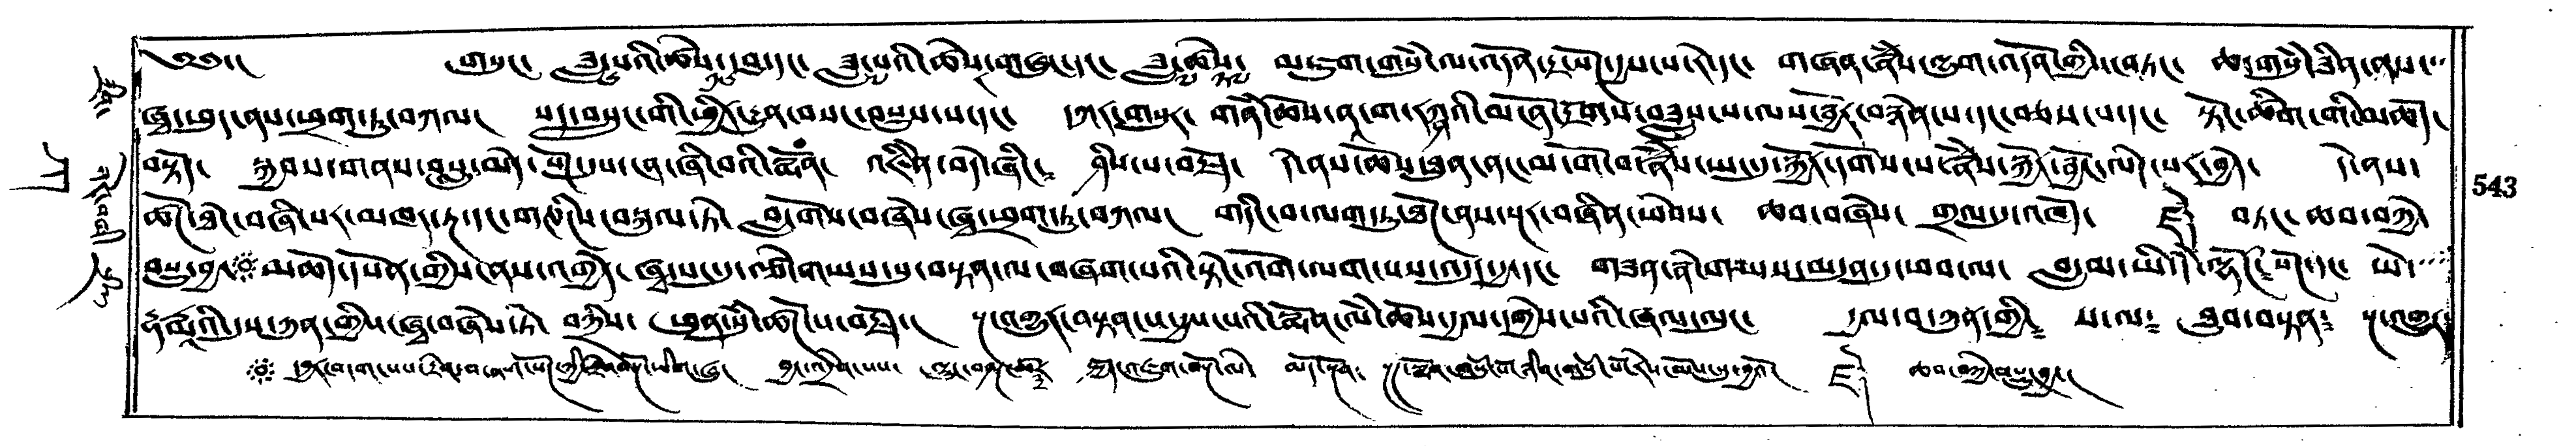གསུངས། ཟླ་ ༦ པའི་ཚེས་ ༡༦ དབུ་དང་། ཟླ་ ༧ པའི་ཚེས་ ༨ གཞུང་དང་། ཟླ་ ༧ ཚེས་ ༢༧ མཇུག་གསུམ་ལ་འདོན་རྟ་སོགས་རྒྱས་པ་རེ་དང་། གཞན་རྣམས་ལྷུག་འདོན་གྱིས་བཏང་། ཆ་གསུམ་ཟིན་ནས་
ཞྭ་ཕུད་ནས་ཕྲག་ཏུ་བཀལ། སད་བསྲུང་གི་ཕྱིར་རྒྱུན་བསང་བསྡུས་པ་དང་།དཀར་གསུར། གནམ་ཆོས་ནཱ་ག་རཀྴའི་མངོན་རྟོགས་བཟླས་པ་ལས་སྦྱོར་བསྙེན་པ་དང་བཅས་པ་དང་། སྟོང་ཚིག་གི་མཆོད་
བསྟཽད། སྐྱབས་གནས་བསླུ་མེད་སོགས་དུས་ངན་ཞི་བའི་སྨོན་ལམ། འཇིག་རྟེན་བདེ་ཞིང༴ ཤིས་པ་བརྗོད། དེ་ནས་ཆོས་ཐུན་ནང་མ་གོ་བ་རྣམས་ཡང་དུ་སྐྱོར་དགོས་པ་རྣམས་སྐྱོར་སྦྱོང་ལེགས་པར་བྱེད། དེ་ནས་
ཚོགས་ཐེངས་བཞི་པར་མཁར་རྔ་དང་གཎྜིས་བསྐུལ་ཏེ། བླ་གོས་བཞེས། ཞྭ་ཕྲག་ཏུ་བཀལ། གདིང་བ་ལག་ཏུ་ཐོགས་ནས་སྔར་བཞིན་ཕེབས། ཆབ་བཞེས། གྲལ་དུ་འཁོད། ཇ༽བཏང་། ཆབ་བཀྱེ་
བསྡུ་བྱ། དབྱར་བདག་པས་རྟེན་བཞག་སོགས་ཀྱི་བསྔོ་ཡིག་ཞུ། བྱང་འདྲེན་པས། ལྟུང་བཤགས་ཚར་གསུམ། སྤྱོད་འཇུག་བསྔོ་ལེ། མདོ་སྨོན། སྔགས་སྨོན་གསུམ་པོ་ཉིན་གསུམ་པོ་རེས་མོས་སུ་བྱའོ།། ཇ༽ ཆབ་བཀྱེ་བསྡུ་བྱ། མཆོད་དཔོན་གྱིས་ནས་འགྱེད། ཞྭ་པང་དུ་རྩེ་གཡས་སུ་བསྟན་ལ་བཞག་པའི་སྟེང་འོག་ལག་པས་འདུ་རྒྱ་དང་། གཟན་སྣེ་གཡས་མདུན་དུ་ཕབ་ལ། བླ་མ་ཡི་དམ་ལྷ་ཚོགས༴ སོགས་དང་། ཡེ་
དྷརྨཱའི་དུས་ཀུན་ཀྱིས་ཞྭ་བཞེས་ཏེ། བཀྲ་ཤིས་ཕུན་སུམ་ཚོགས་པ་བརྗོད། སྔ་འགྱུར་བསྟན་པ་རྒྱས་པའི་སྨོན་ལམ་ཆོས་རྒྱལ་དགྱེས་པའི་ཞལ་ལུང་། རྒྱལ་བ་ཀུན་ཀྱི༴ ས་ལ༴ ཐུབ་བསྟན༴ སྔ་འགྱུར༴